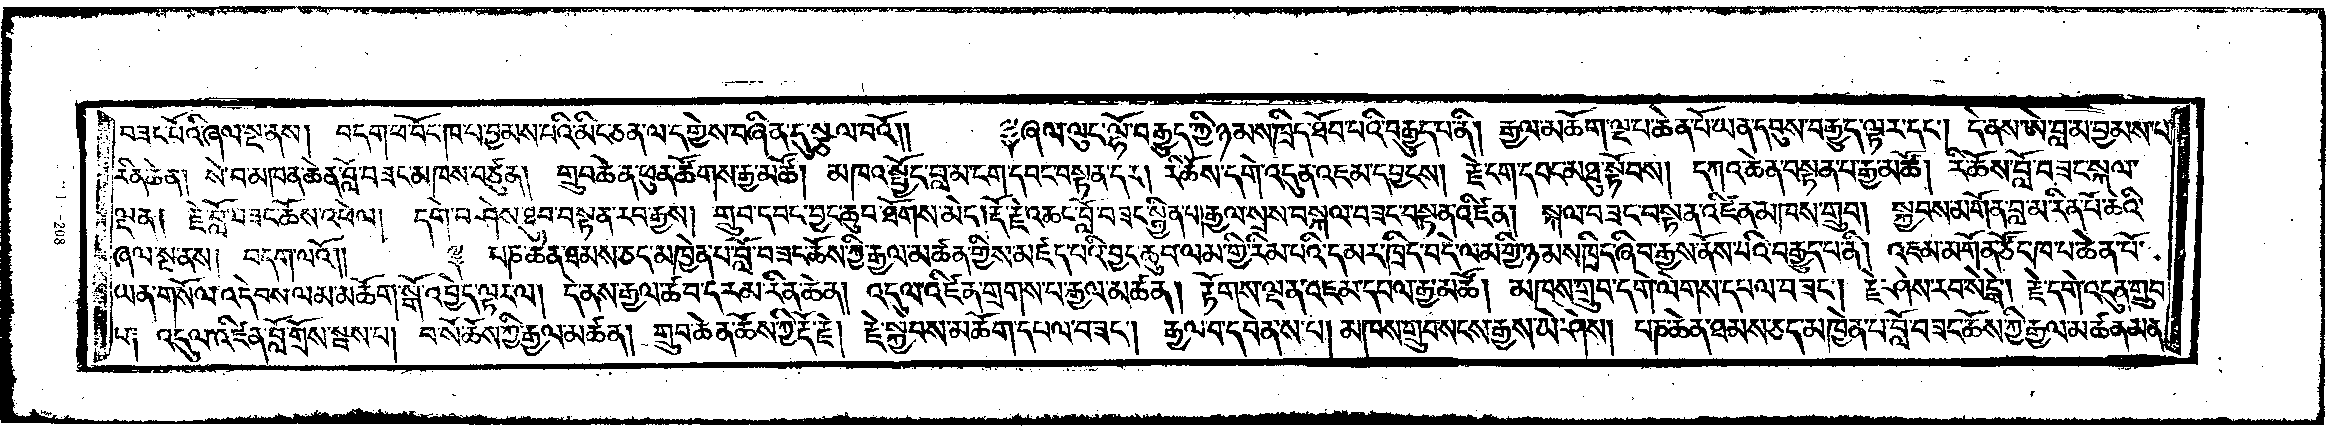བཟང་པོའི་ཞལ་སྔ་ནས། བདག་ཕ་བོང་ཁ་པ་བྱམས་པའི་མིང་ཅན་ལ་དགྱེས་བཞིན་དུ་སྩལ་བའོ།། འ་ཞལ་ལུང་ལྷོ་བརྒྱུད་ཀྱི་ཉམས་ཁྲིད་ཐོབ་པའི་བརྒྱུད་པ་ནི། རྒྱལ་མཆོག་ལྔ་པ་ཆེན་པོ་ཡན་དབུས་བརྒྱུད་ལྟར་དང་། དེ་ནས་ཨེ་བླ་མ་བྱམས་པ་
རིན་ཆེན། སེ་བ་མཁན་ཆེན་བློ་བཟང་མཁས་བཙུན། གྲུབ་ཆེན་ཕུན་ཚོགས་རྒྱ་མཚོ། མཁའ་སྤྱོད་བླ་མ་ངག་དབང་བསྟན་དར། རི་ཆོས་དགེ་འདུན་འཇམ་དབྱངས། རྗེ་ངག་དབང་མཐུ་སྟོབས། དཀའ་ཆེན་བསྟན་པ་རྒྱ་མཚོ། རི་ཆོས་བློ་བཟང་སྐལ་
ལྡན། རྗེ་བློ་བཟང་ཆོས་འཕེལ། དགེ་བཤེས་ཐུབ་བསྟན་རབ་རྒྱས། གྲུབ་དབང་བྱང་ཆུབ་ཐོགས་མེད་།རྡོ་རྗེ་འཆང་བློ་བཟང་སྦྱིན་པ། རྒྱལ་སྲས་བསྐལ་བཟང་བསྟན་འཛིན། སྐལ་བཟང་བསྟན་འཛིན་མཁས་གྲུབ། སྐྱབས་མགོན་བླ་མ་རིན་པོ་ཆེའི་
ཞལ་སྔ་ནས། བདག་ལའོ།། འ་པཎ་ཆེན་ཐམས་ཅད་མཁྱེན་པ་བློ་བཟང་ཆོས་ཀྱི་རྒྱལ་མཚན་གྱིས་མཛད་པའི་བྱང་ཆུབ་ལམ་གྱི་རིམ་པའི་དམར་ཁྲིད་བདེ་ལམ་གྱི་ཉམས་ཁྲིད་ཞིབ་རྒྱས་ནོས་པའི་བརྒྱུད་པ་ནི། འཇམ་མགོན་ཙོང་ཁ་པ་ཆེན་པོ་
ཡན་གསོལ་འདེབས་ལམ་མཆོག་སྒོ་འབྱེད་ལྟར་ལ། དེ་ནས་རྒྱལ་ཚབ་དར་མ་རིན་ཆེན། འདུལ་འཛིན་གྲགས་པ་རྒྱལ་མཚན། རྟོགས་ལྡན་འཇམ་དཔལ་རྒྱ་མཚོ། མཁས་གྲུབ་དགེ་ལེགས་དཔལ་བཟང་། རྗེ་ཤེས་རབ་སེངྒེ། རྗེ་དགེ་འདུན་གྲུབ་
པ༑ འདུལ་འཛིན་བློ་གྲོས་སྦས་པ། བ་སོ་ཆོས་ཀྱི་རྒྱལ་མཚན། གྲུབ་ཆེན་ཆོས་ཀྱི་རྡོ་རྗེ། རྗེ་སྐྱབས་མཆོག་དཔལ་བཟང་། རྒྱལ་བ་དབེན་པ། མཁས་གྲུབ་སངས་རྒྱས་ཡེ་ཤེས། པཎ་ཆེན་ཐམས་ཅད་མཁྱེན་པ་བློ་བཟང་ཆོས་ཀྱི་རྒྱལ་མཚན་མན་